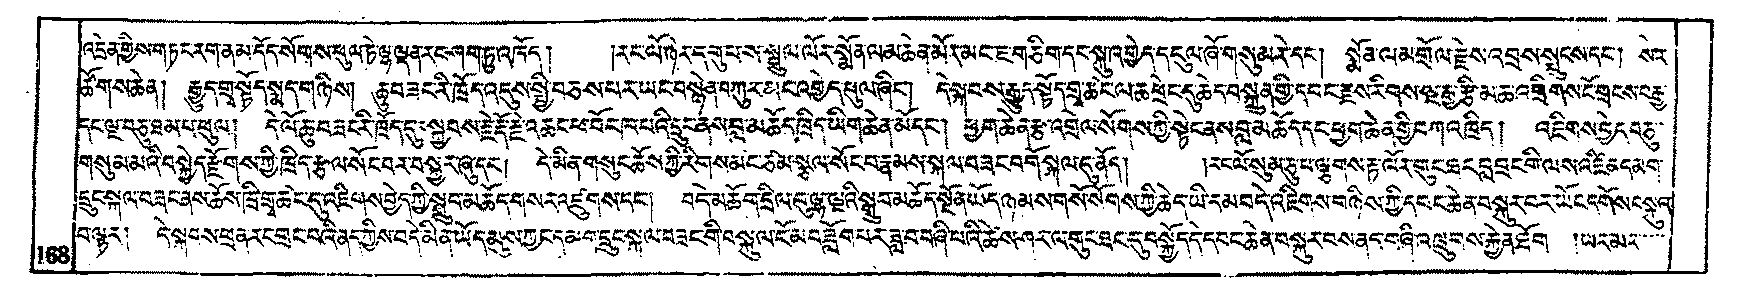འདྲེན་གྱིས་གཏང་རག་ནམ་དོད་སོགས་ཕུལ་ཏེ་ལྷ་ལྡན་རང་ཤག་ཏུ་འཁོད། །རང་ལོ་ཉེར་དགུ་པས་སྦྲུལ་ལོར་སྨོན་ལམ་ཆེན་མོར་མང་ཇ་གཅིག་དང་སྐུ་འགྱེད་དངུལ་ཞོ་གསུམ་རེ་དང་། སྨོན་ལམ་གྲོལ་རྗེས་འབྲས་སྤུངས་དང་། སེ་ར་
ཚོགས་ཆེན། རྒྱུད་གྲྭ་སྟོད་སྨད་གཉིས། ཆུ་བཟང་རི་ཁྲོད་འདུས་སྤྱི་བཅས་པར་ཡང་བསྙེན་བཀུར་མང་འགྱེད་ཕུལ་ཞིང་། དེ་སྐབས་རྒྱུད་སྟོད་གྲྭ་ཚང་ལ་ཆ་ཕྲེང་དུ་ཆེད་བསྐྲུན་གྱི་དབང་རྫས་རིགས་ལྔ་རྒྱ་རྩི་མ་ཆ་འགྲིགས་ངོ་གྲངས་བརྒྱ་
དང་ལྔ་བཅུ་ཐམ་པ་ཕུལ། དེ་ལོ་ཆུ་བཟང་རི་ཁྲོད་དུ་༧་སྐྱབས་རྗེ་རྡོ་རྗེ་འཆང་ཕ་བོང་ཁ་པའི་དྲུང་ནས་བླ་མཆོད་ཁྲིད་ཡིག་ཆེན་མོ་དང་། ཕྱག་ཆེན་རྩ་འགྲེལ་སོགས་ཀྱི་སྟེང་ནས་བླ་མཆོད་དང་ཕྱག་ཆེན་གྱི་བཀའ་འཁྲིད། འཇིགས་བྱེད་བཅུ་
གསུམ་མའི་བསྐྱེད་རྫོགས་ཀྱི་ཁྲིད་རྩལ་སོང་བར་བསྐྱར་ཞུ་དང་། དེ་མིན་གསུང་ཆོས་ཀྱི་རིགས་མང་ཙམ་སྩལ་སོང་བ་རྣམས་སྐལ་བཟང་བགོ་སྐལ་དུ་ནོད། །རང་ལོ་སུམ་ཅུ་པ་ལྕགས་རྟ་ལོར་གུང་ཐང་བླ་བྲང་གི་ལས་འཛིན་དམག་
དྲུང་སྐལ་བཟང་ནས་ཆོས་ཁྲི་གྲྭ་ཚང་དུ་འཇིགས་བྱེད་ཀྱི་སྒྲུབ་མཆོད་གསར་འཛུགས་དང་། བདེ་མཆོག་དྲིལ་བུ་ལྷ་ལྔའི་སྒྲུབ་མཆོད་སྔོན་ཡོད་ཉམས་གསོ་སོགས་ཀྱི་ཆེད་ཡི་དམ་བདེ་འཇིགས་གཉིས་ཀྱི་དབང་ཆེན་བསྐུར་བར་ཡོང་དགོས་བསྐུལ་
བ་ལྟར། དེ་སྐབས་ཕྲན་རང་གྲང་བའི་ནད་ཀྱིས་བདེ་མིན་ཡོད་མུས་ཀྱང་དམག་དྲུང་སྐལ་བཟང་གི་བསྐུལ་ངོ་མ་བཟློག་པར་ཟླ་བ་བཞི་པའི་ཚེ་ཤར་ལ་གུང་ཐང་དུ་བསྐྱོད་དེ་དབང་ཆེན་བསྐུར་བས་ནད་གཞི་འཁྲུགས་རྐྱེན་ཐོག །ཡར་མར་